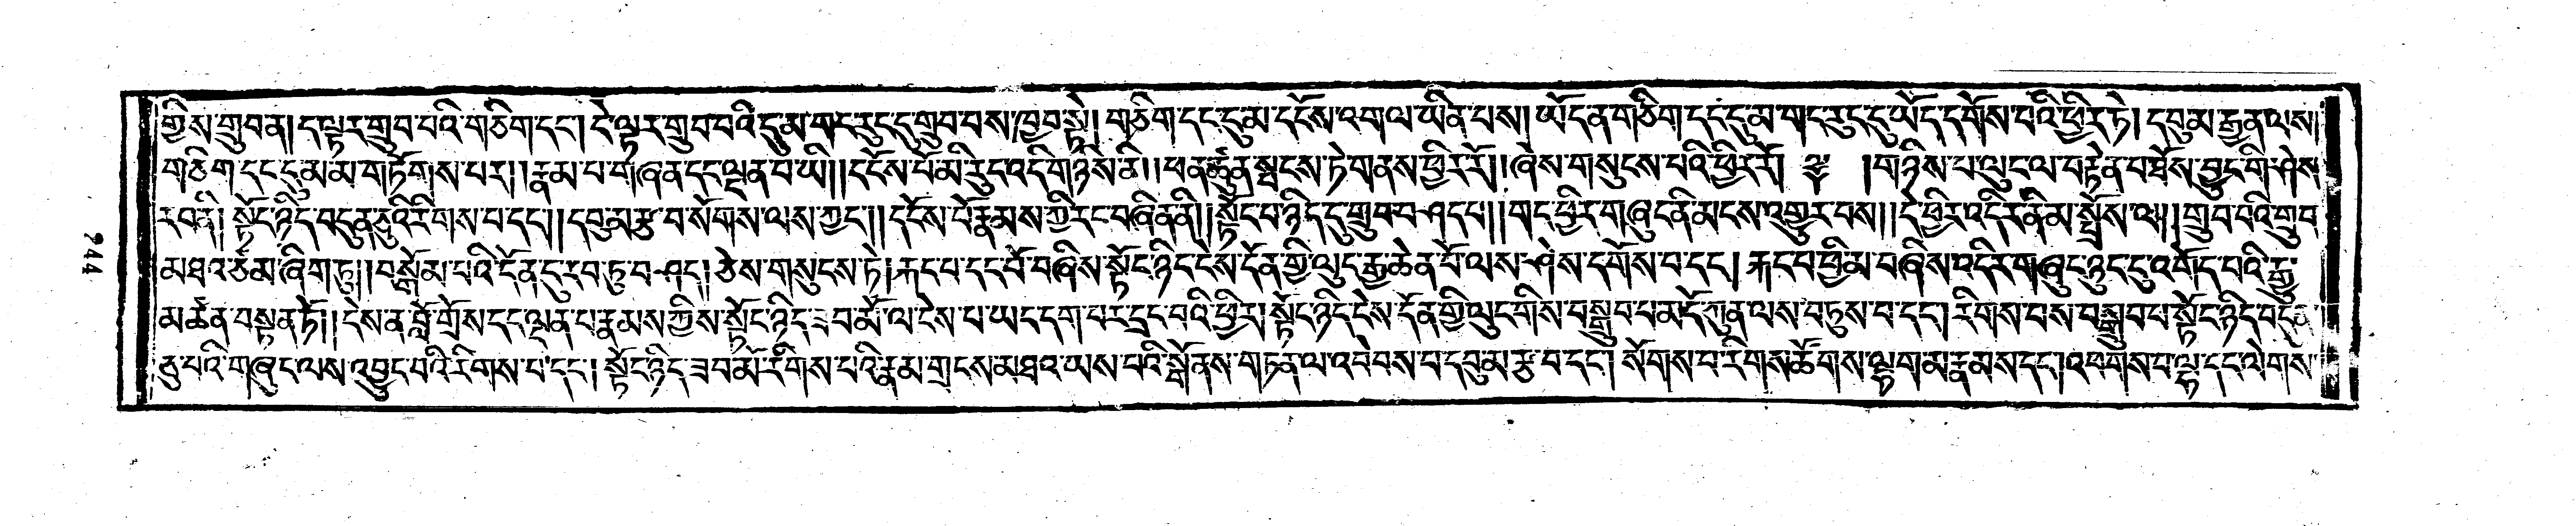གྱིས་གྲུབ་ན། དེ་ལྟར་གྲུབ་པའི་གཅིག་དང་། དེ་ལྟར་གྲུབ་པའི་དུ་མ་གང་རུང་དུ་གྲུབ་པས་ཁྱབ་སྟེ། གཅིག་དང་དུ་མ་དངོས་འགལ་མིན་པས། ཡོད་ན་གཅིག་དང་དུ་མ་གང་རུང་དུ་ཡོད་དགོས་པའི་ཕྱིར་ཏེ། དབུ་མ་རྒྱན་ལས།
གཅིག་དང་དུ་མ་མ་གཏོགས་པར། །རྣམ་པ་གཞན་དང་ལྡན་པ་ཡི། །དངོས་པོ་མི་རུང་འདི་གཉིས་ན། །ཕན་ཚུན་སྤངས་ཏེ་གནས་ཕྱིར་རོ། །ཞེས་གསུངས་པའི་ཕྱིར་རོ། ༈ །གཉིས་པ་ལུང་ལ་བརྟེན་པ་ཐོས་བྱུང་གི་ཤེས་
རབ་ནི། སྟོང་ཉིད་བདུན་ཅུའི་རིགས་པ་དང་། །དབུ་མ་རྩ་བ་སོགས་ལས་ཀྱང་། །དངོས་པོ་རྣམས་ཀྱི་རང་བཞིན་ནི། །སྟོང་པ་ཉིད་དུ་གྲུབ་བཤད་པ། །གང་ཕྱིར་གཞུང་ནི་མངས་འགྱུར་བས། །དེ་ཕྱིར་འདིར་ནི་མ་སྤྲོས་ལ། །གྲུབ་པའི་གྲུབ་
མཐའ་ཙམ་ཞིག་ཏུ། །བསྒོམ་པའི་དོན་དུ་རབ་ཏུ་བཤད། ཅེས་གསུངས་ཏེ། རྐང་པ་དང་པོ་བཞིས་སྟོང་ཉིད་ངེས་དོན་གྱི་ལུང་རྒྱ་ཆེན་པོ་ལས་ཤེས་དགོས་པ་དང་། རྐང་པ་ཕྱི་མ་བཞིས་འདིར་གཞུང་ཉུང་དུ་འགོད་པའི་རྒྱུ་
མཚན་བསྟན་ཏོ། །དེས་ན་བློ་གྲོས་དང་ལྡན་པ་རྣམས་ཀྱིས་སྟོང་ཉིད་ཟབ་མོ་ལ་ངེས་པ་ཡང་དག་པར་དང་བའི་ཕྱིར། སྟོང་ཉིད་ངེས་དོན་གྱི་ལུང་གིས་བསྒྲུབ་པ་མདོ་ཀུན་ལས་བཏུས་པ་དང་། རིགས་པས་བསྒྲུབ་པ་སྟོང་ཉིད་བདུན་
ཅུ་པའི་གཞུང་ལས་འབྱུང་བའི་རིགས་པ་དང་། སྟོང་ཉིད་ཟབ་མོ་རིགས་པའི་རྣམ་གྲངས་མཐའ་ཡས་པའི་སྒོ་ནས་གཏན་ལ་འབེབས་པ་དབུ་མ་རྩ་བ་དང་། སོགས་པ་རིགས་ཚོགས་ལྷག་མ་རྣམས་དང་། འཕགས་པ་ལྷ་དང་ལེགས་